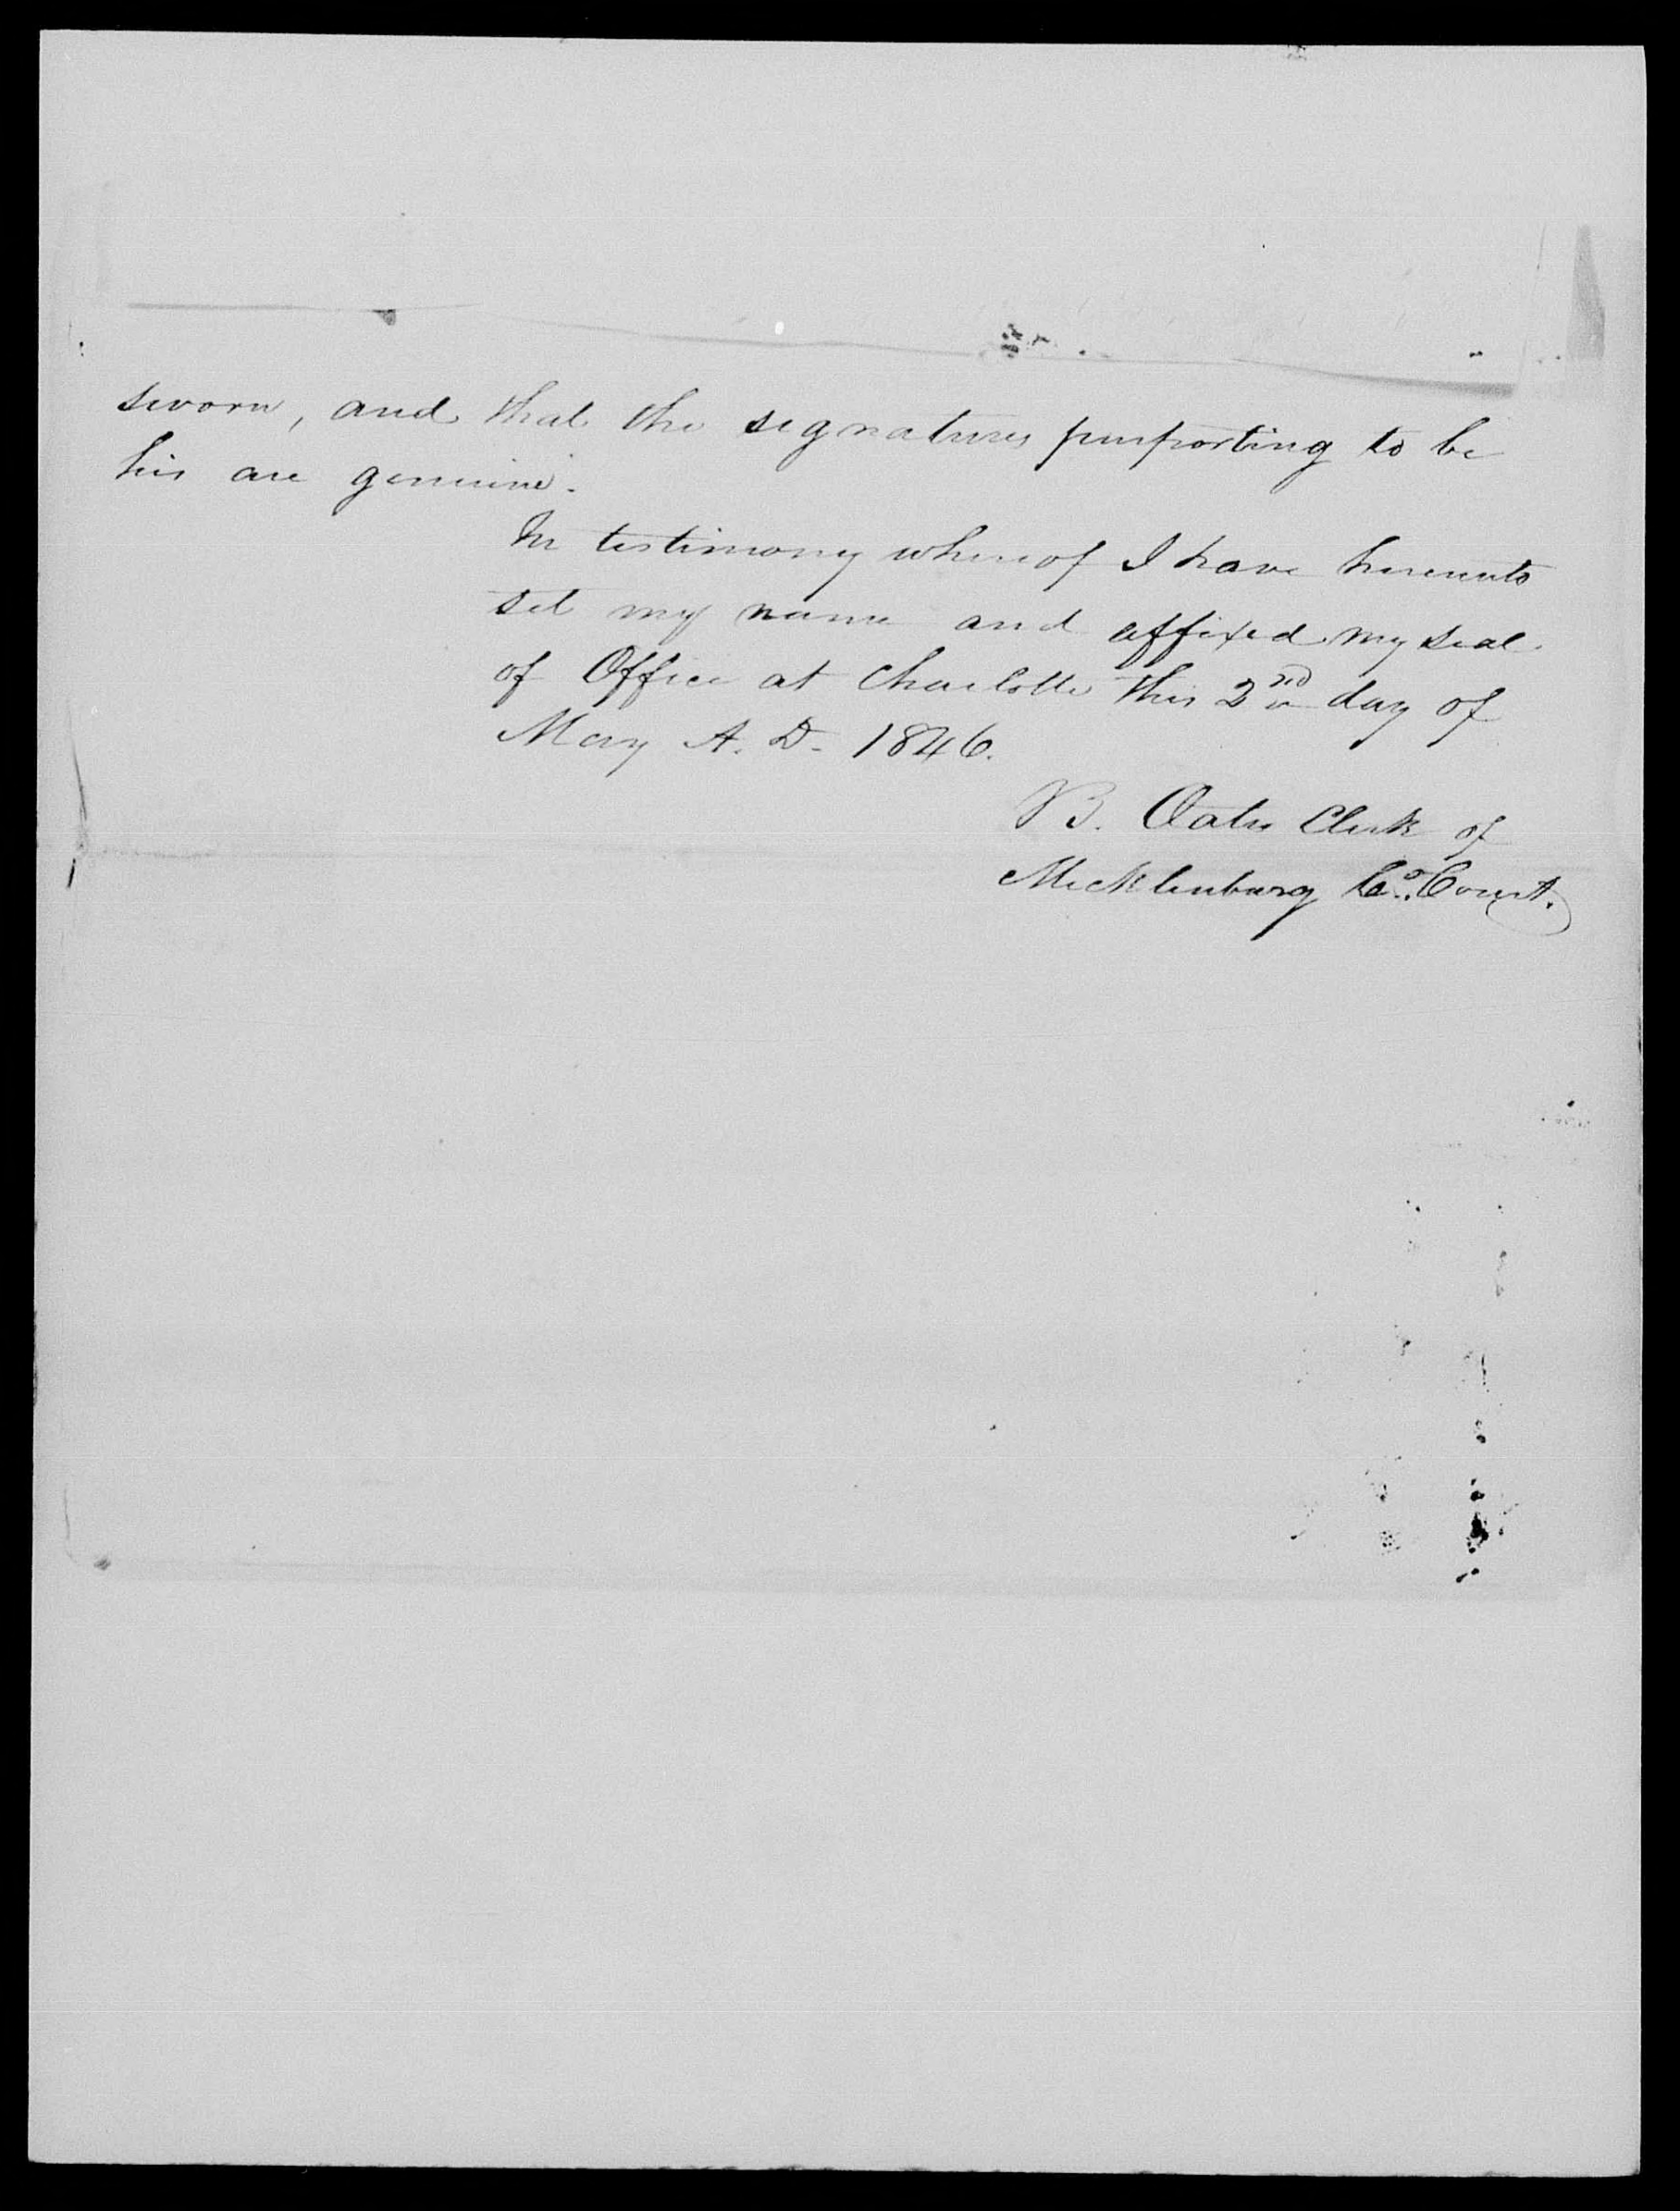Sworn, and that the signatures purporting to be his as genuine.
In testimony whereof I have hereunto set my name and affixed my seal of Office of Charlotte this 2nd day of May AD 1846.
B. Oates Clerk of Meckenburg C. Court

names: B Oates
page: 14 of 52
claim: rejected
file: R. 3,512, John Ferrell, N.C.